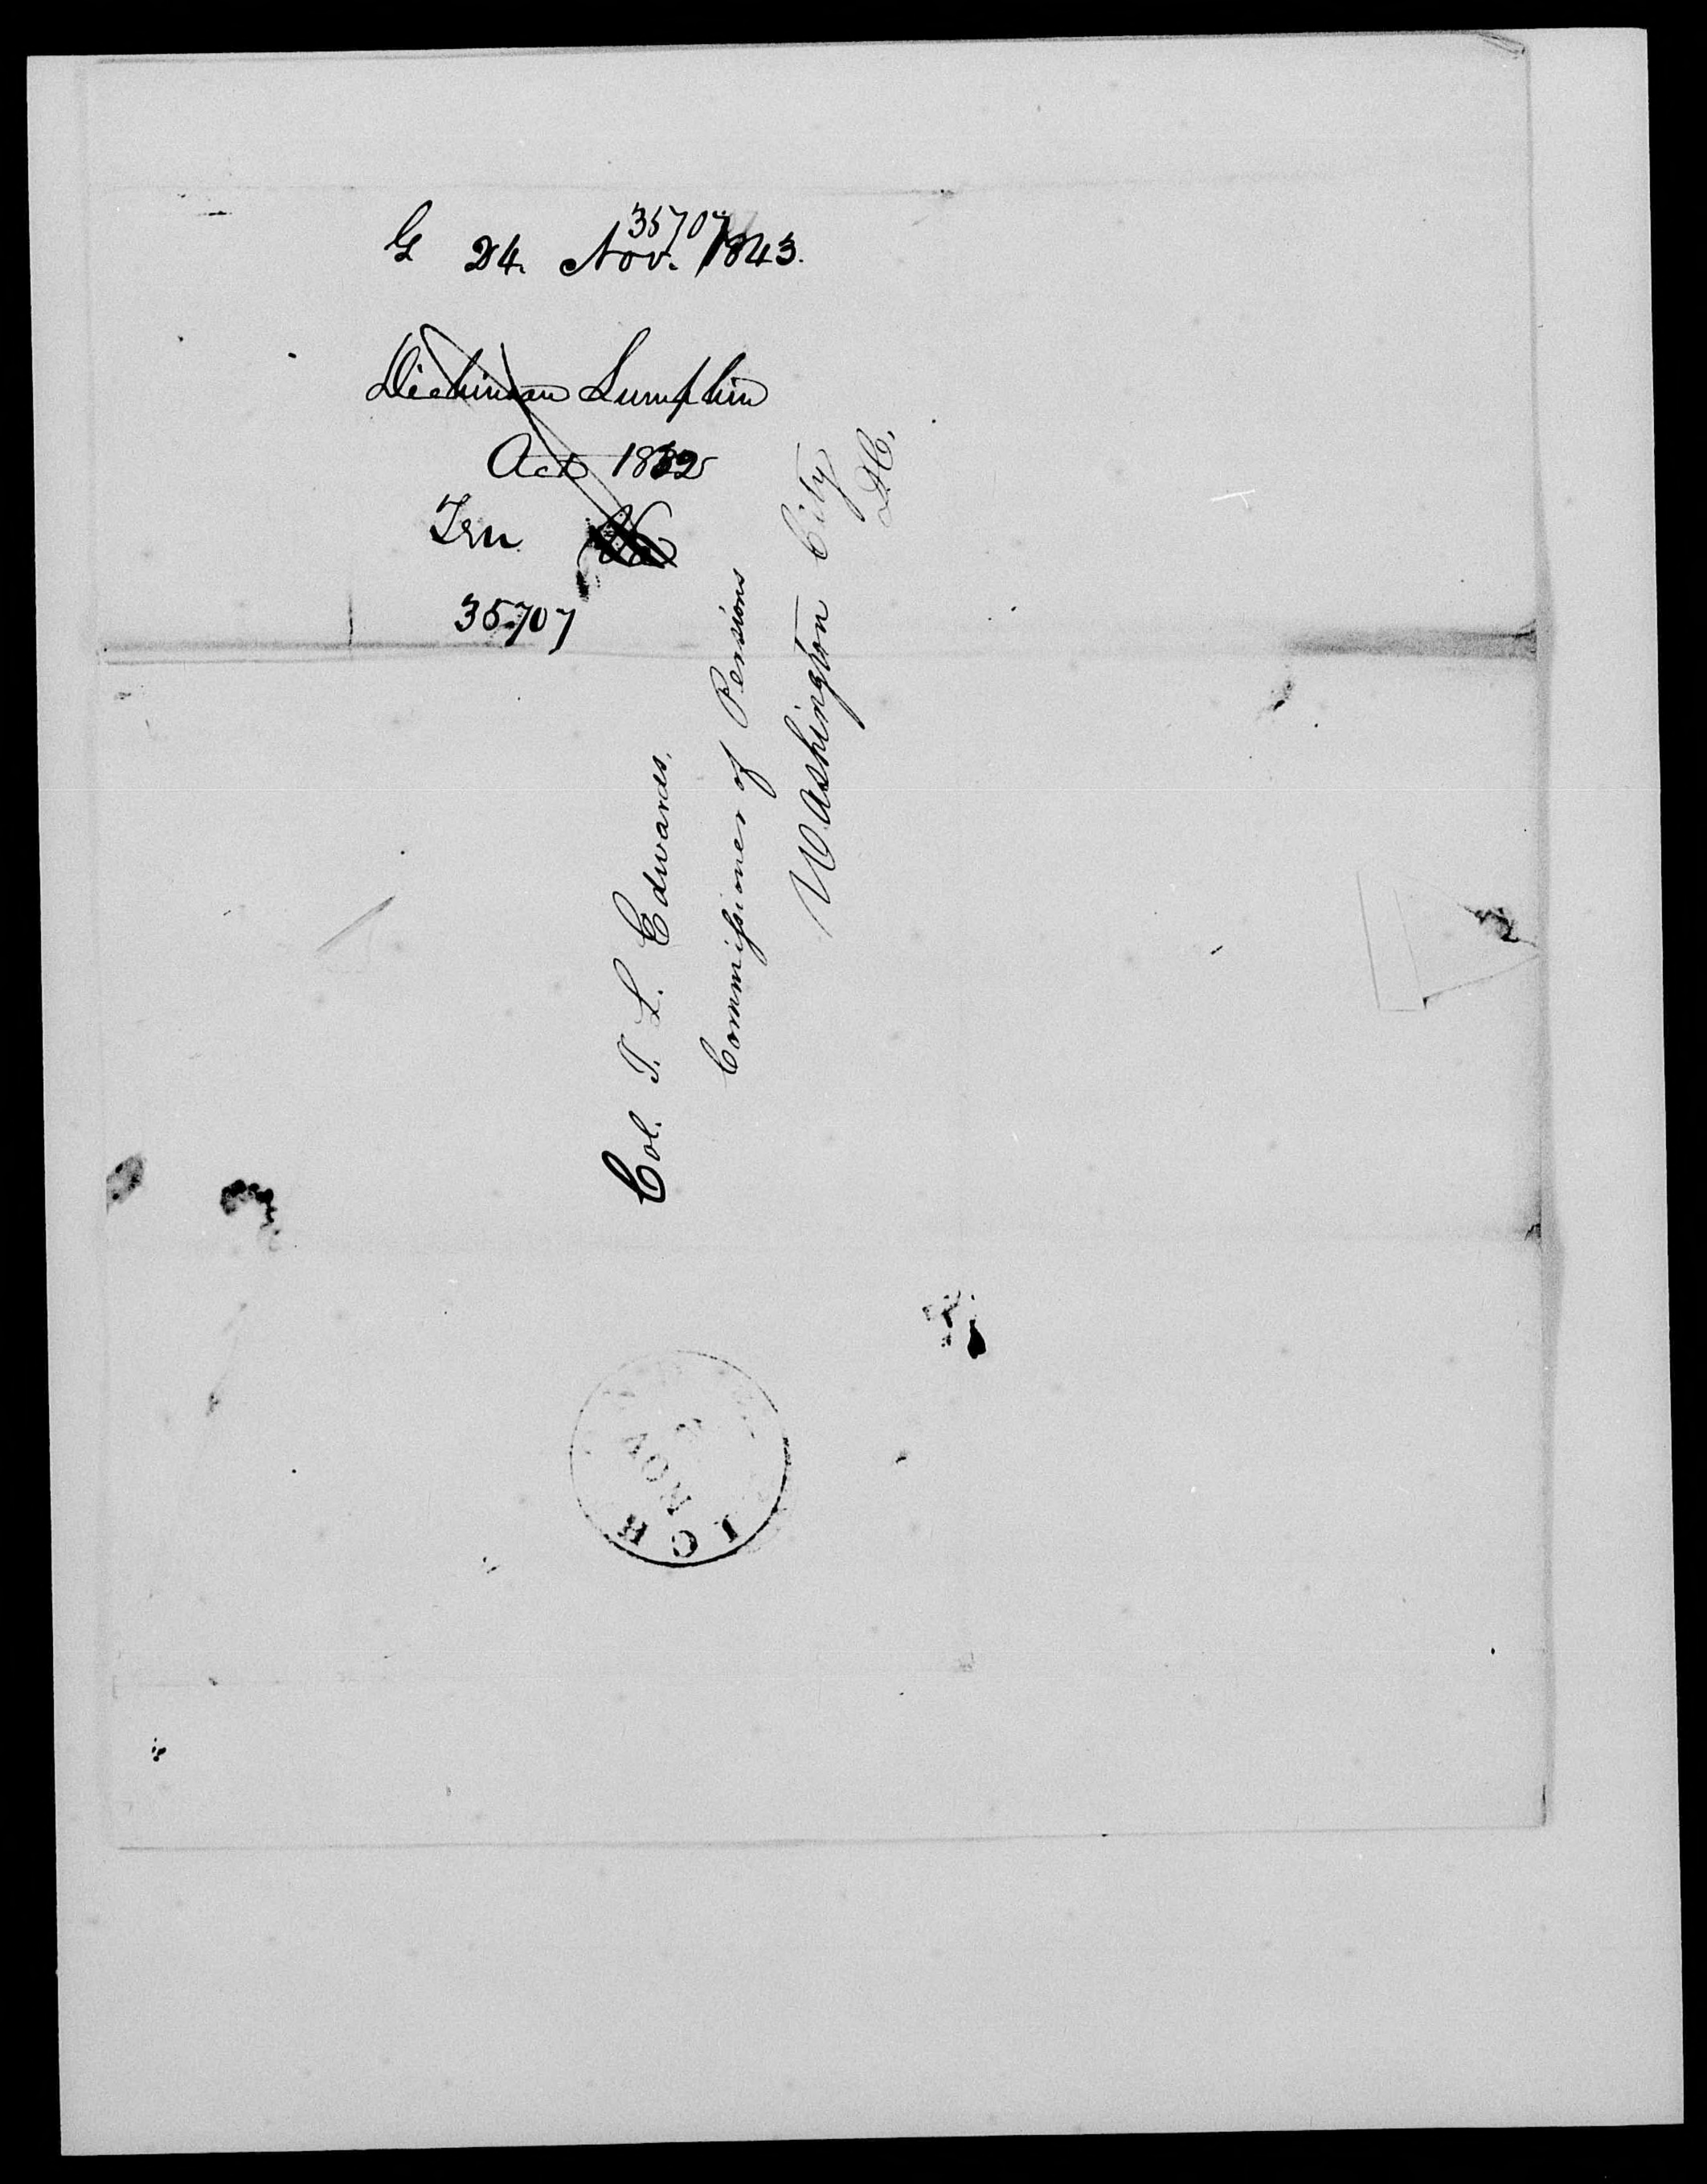(Handwritten document)

35707
G 24 Nov. 1843

(Crossed out: Dickinson Lumpkin Act 1832 Ten. Va. 35.707)

(Written Vertically on the document)
Col. J. L. Edwards
Commissioner of Pensions
Washington City DC.

(Stamped, round, containing: ICH NOV 2)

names: Dickinson Lumpkin; J L Edwards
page: 29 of 37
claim: rejected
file: R. 6521, for Dickeson Lumpkin, Pennsylvania